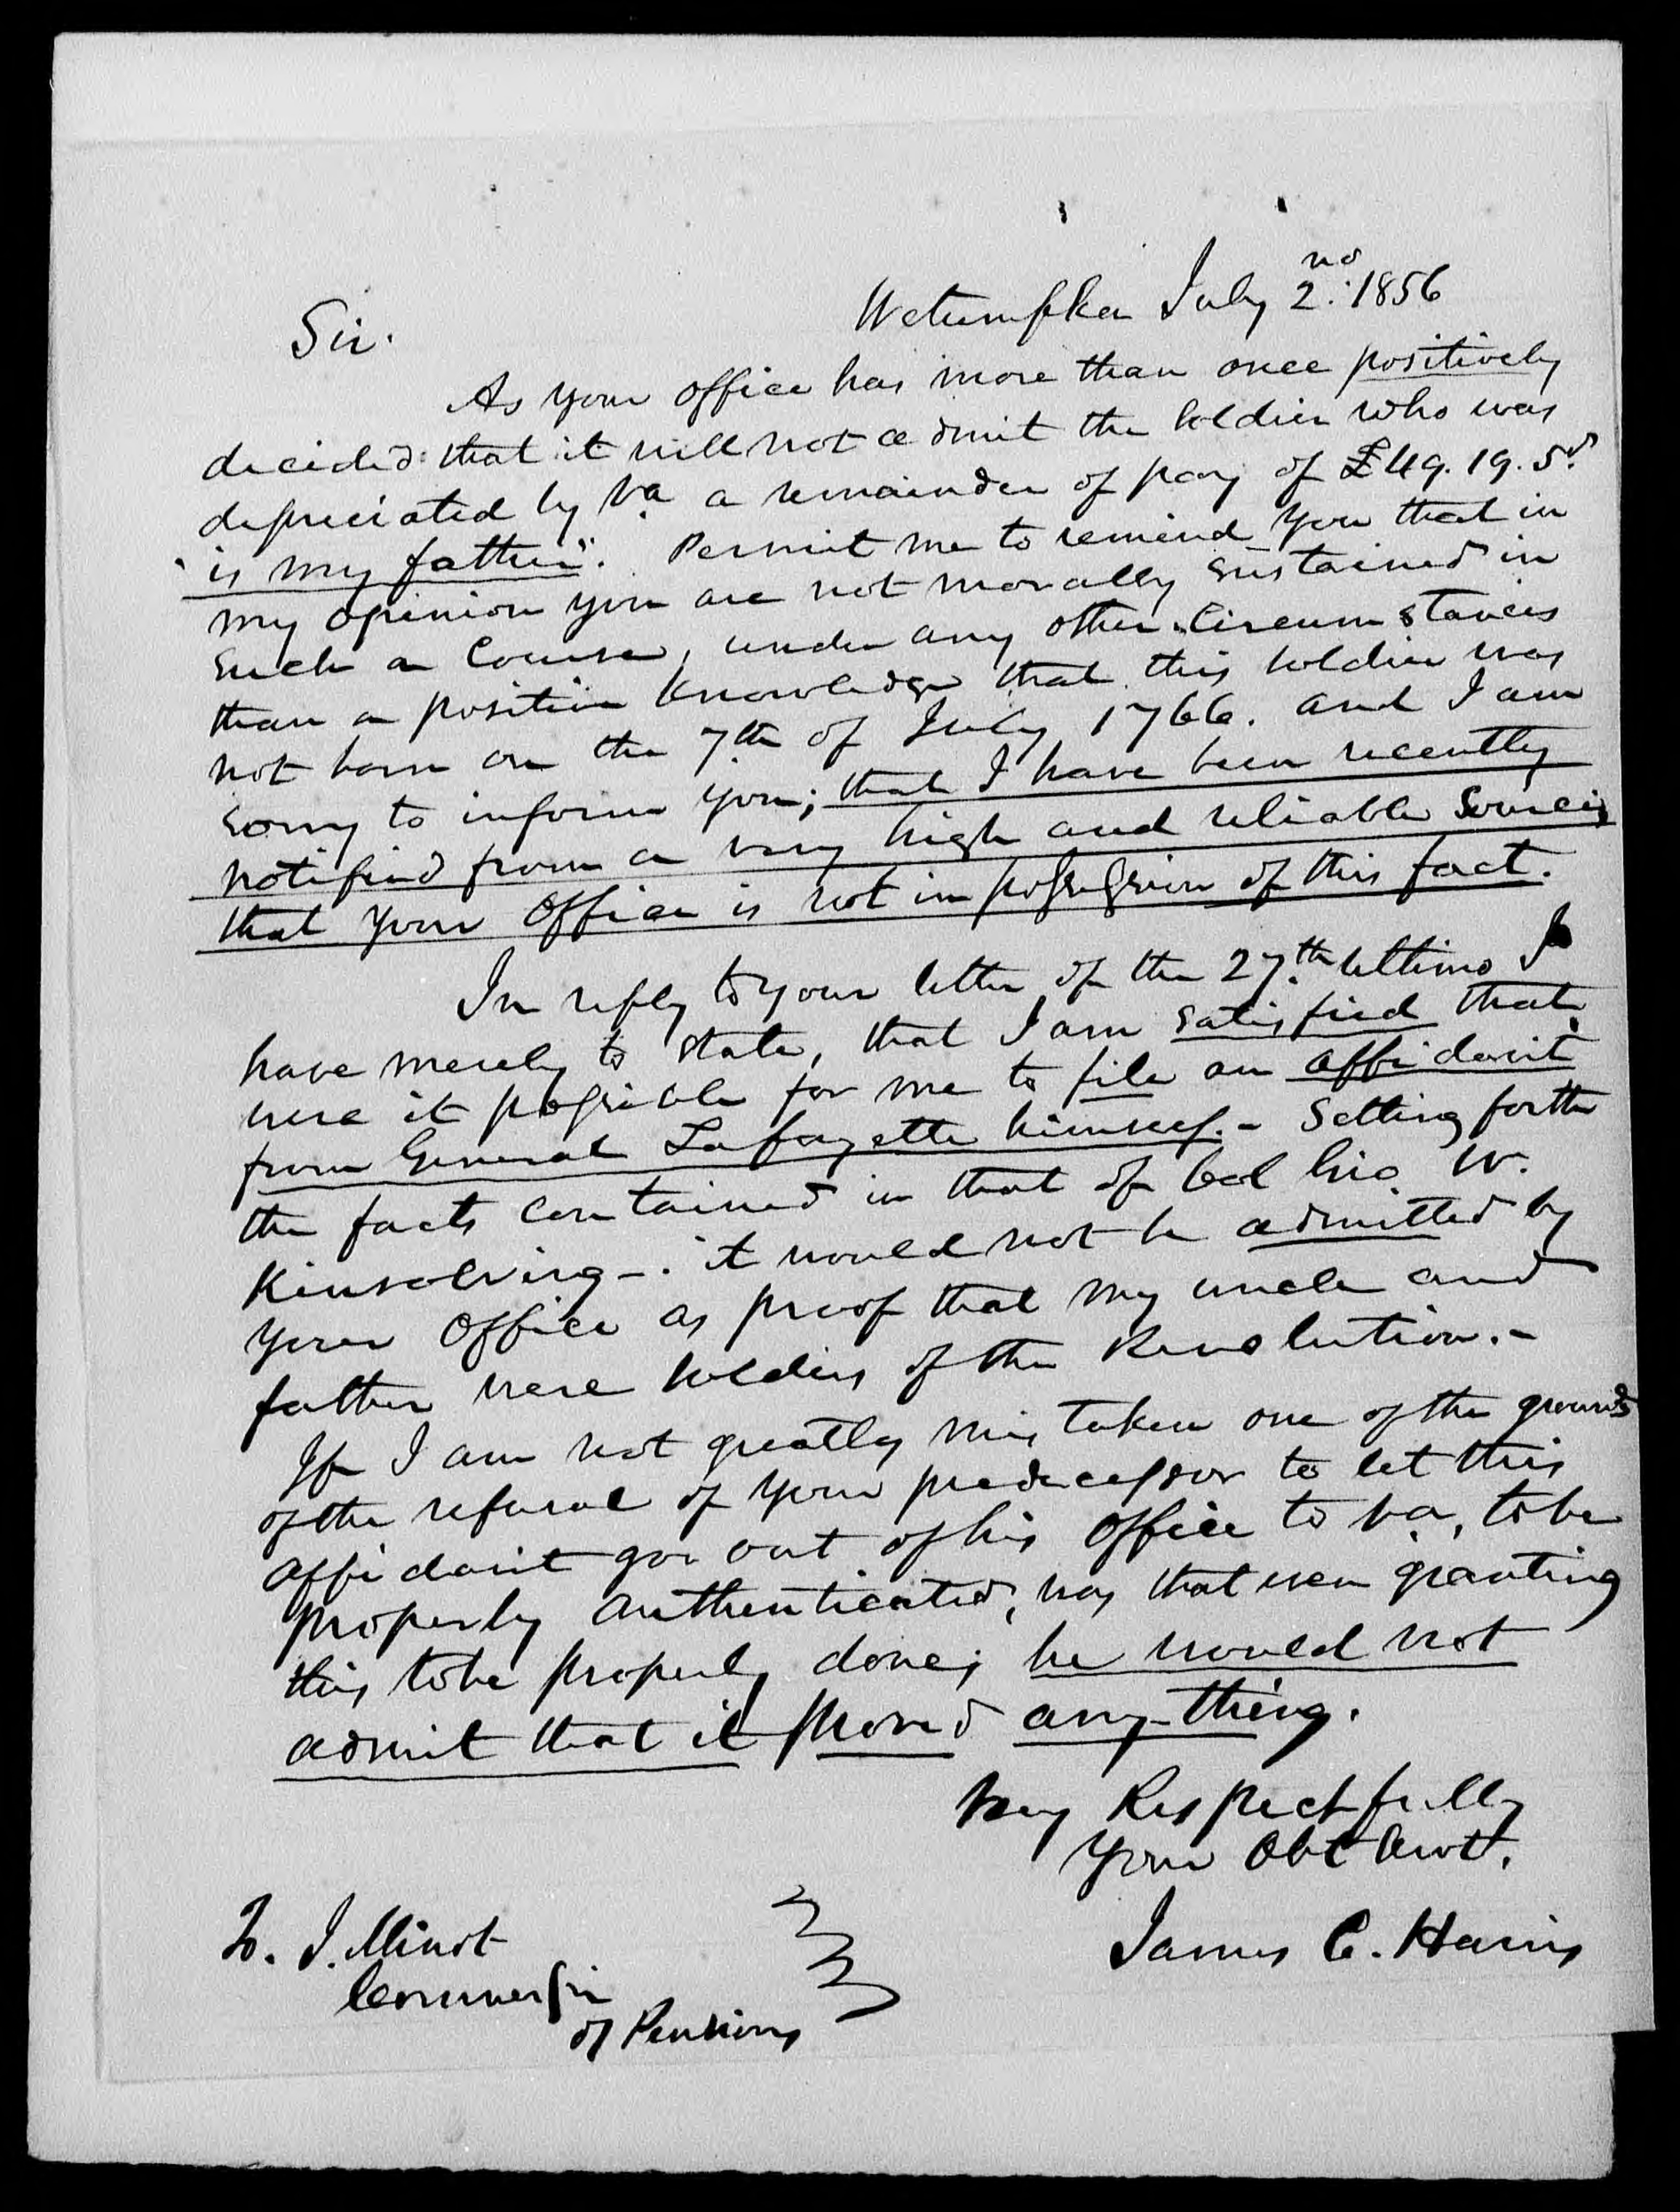Wetumpka July 2nd 1856

Sir
   As your office has more than once positively decided that it will not admit the soldier who was depreciated by Va a remainder of pay of [pound sterling]49.19.5d "is my father," permit me to remind you that in my opinion you are not morally sustained in such a course, under any other circumstances than a positive knowledge that this soldier was not born on the 6th of July 1766, and I am sorry to inform you; that I have been recently notified from a very high and reliable source that your office is not in possession of this fact.
    In reply to your letter of the 27th ultimo I have merely to state, that I am satisfied that were it possible for me to file an affidavit from General Lafayette himself, setting forth the facts contained in that of Col Geo W. Kinsolving, it would not be admitted by your office as proof that my uncle and father were soldiers of the Revolution.
   If I am not greatly mistaken one of the grounds of the referral of your predecessor to let this affidavit go out of his office to Va, to be properly authenticated , was that even granting that this be properly done, he would not admit that it proved anything.
    Very Respectfully
     Your obt Srvt.
       James C. Harris

To J Minot      }
Commissn      }
     of Pensions}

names: Lafayette, Geo W Kinsolving, James C Harris, J Minot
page: 27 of 160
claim: rejected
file: R. 4666, James Harris, Va.